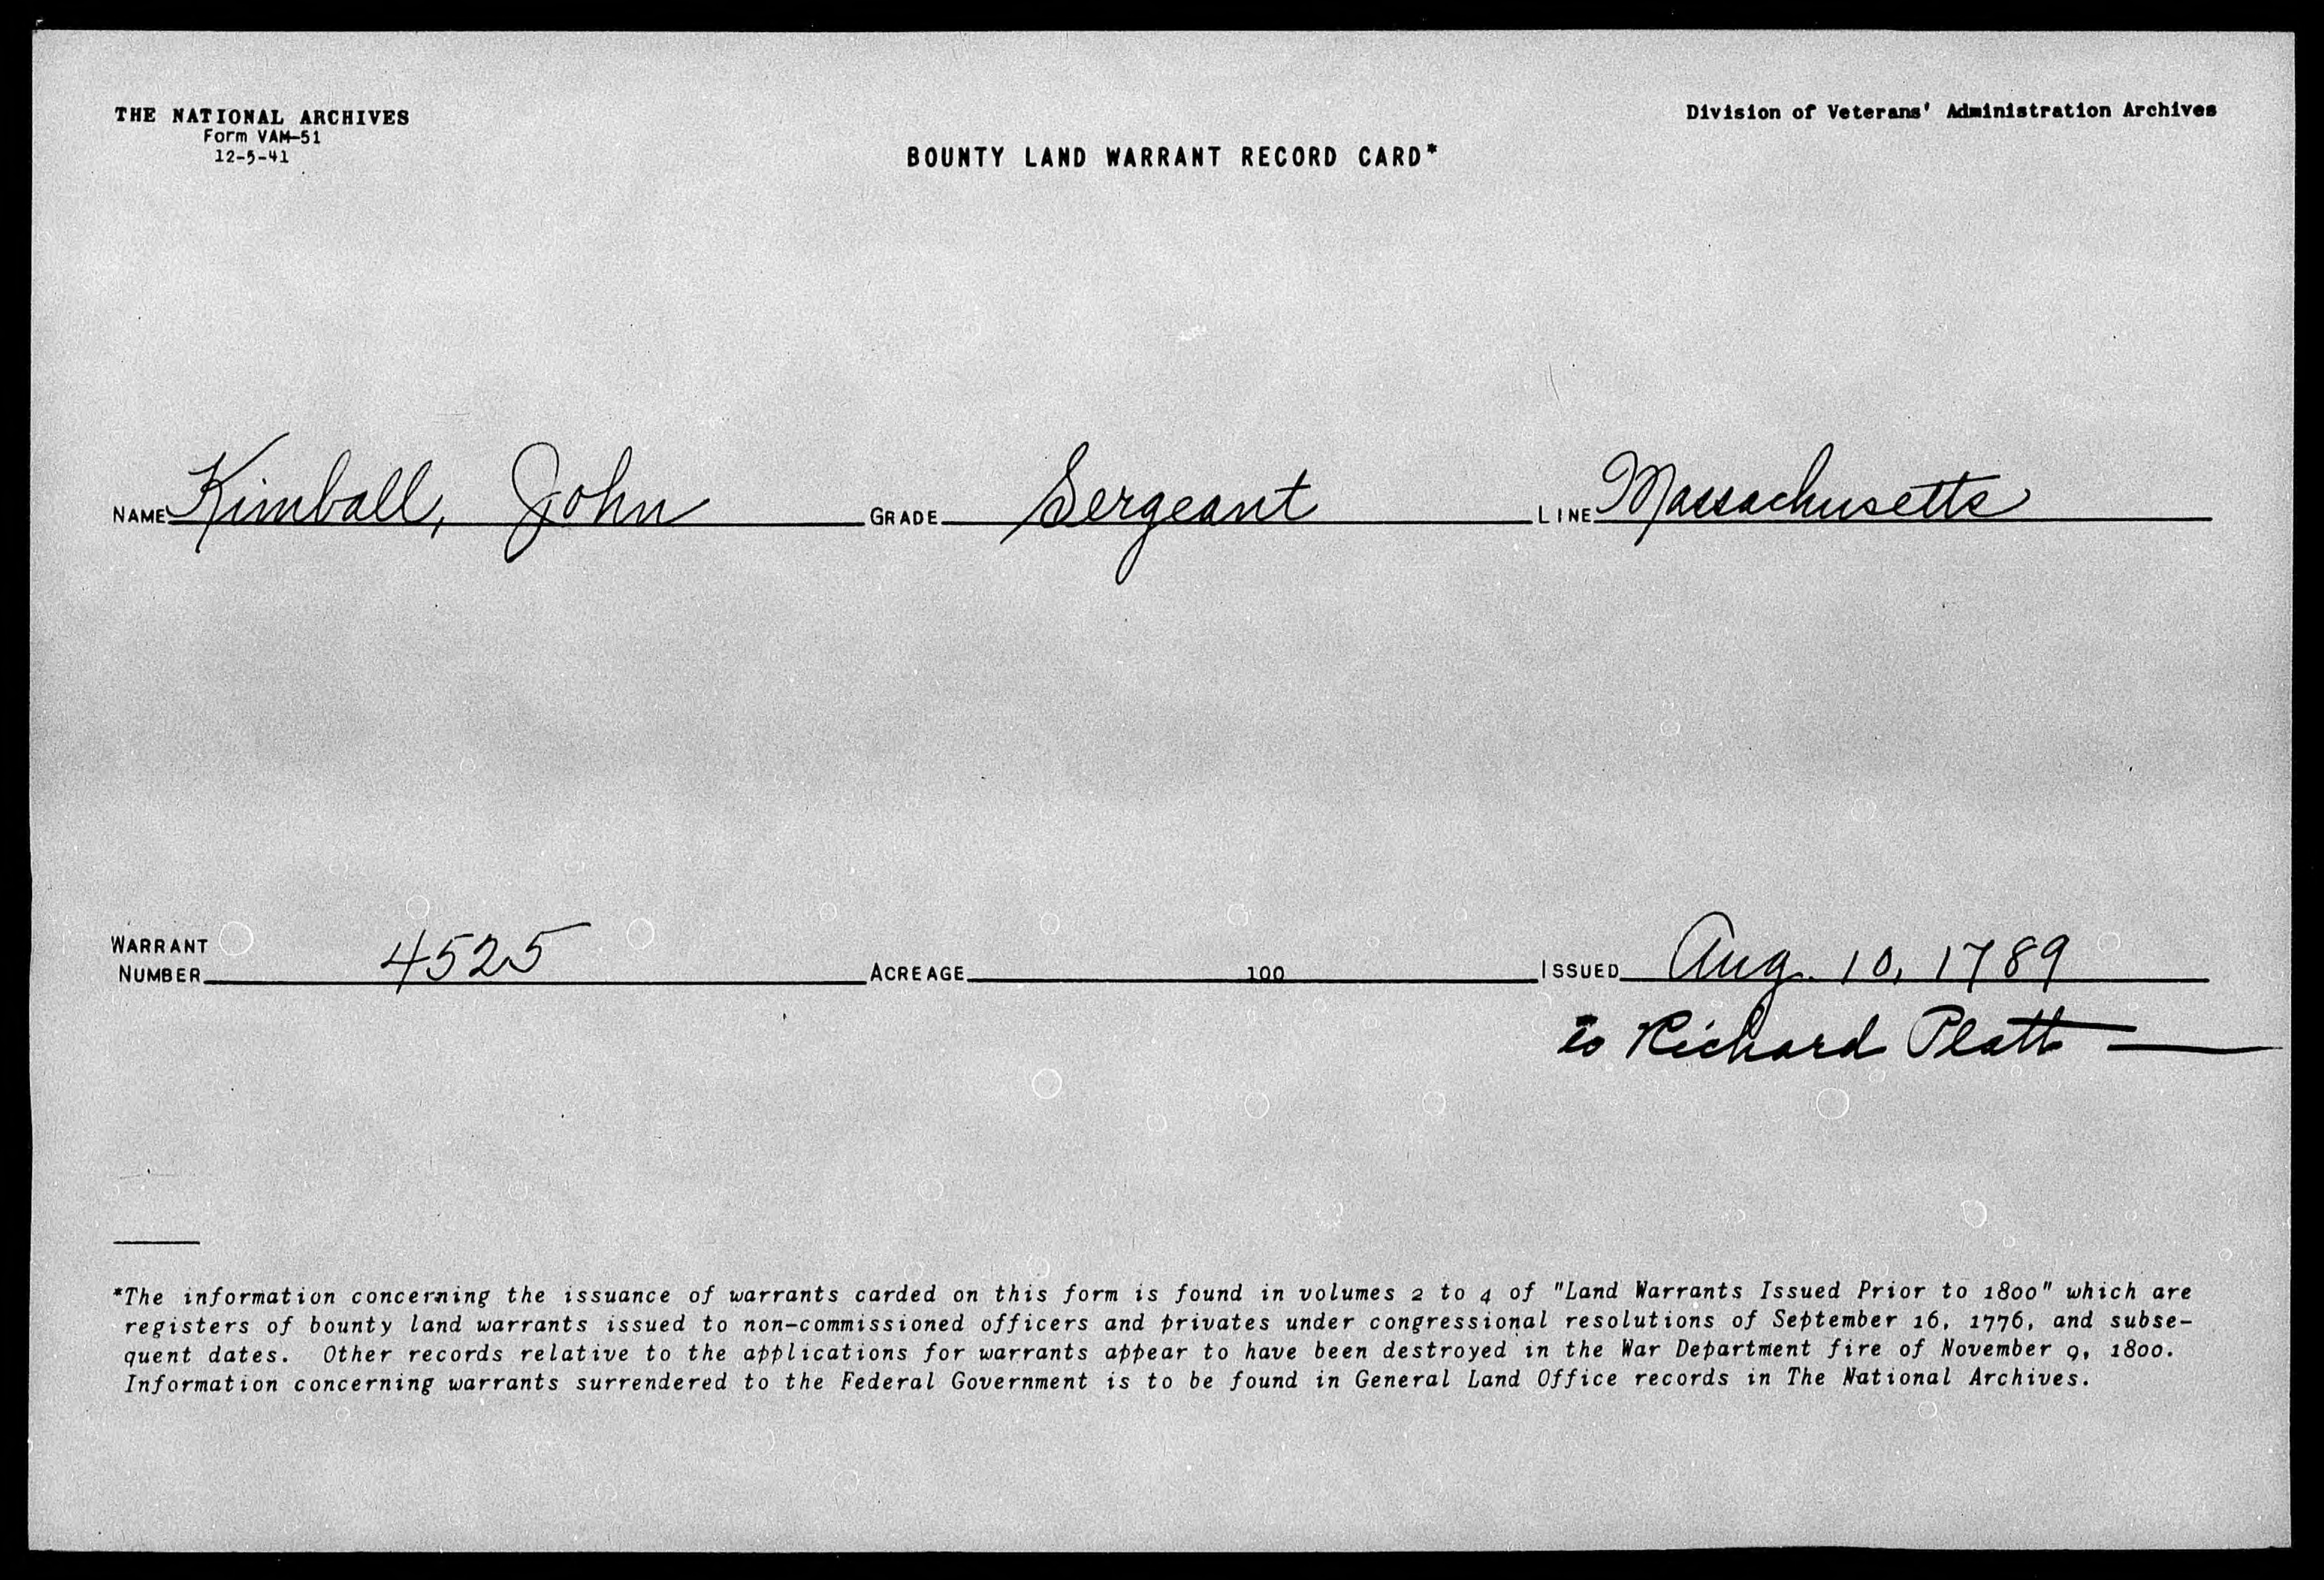The National Archives
Form VAM-51
12-5-41

Bounty Land Warrant Record Card*

Division of Veterans' Administration Archives

Name Kimball, John
Grade Sergeant
Line Massachusetts

Warrant Number 4525
Acreage 100
Issued Aug. 10, 1789 to Richard Platt -

*The information concerning the issuance of warrants carded on this form is found in volumes 2 to 4 of "Land Warrants Issued Prior to 1800" which are registers of bounty land warrants issued to non-commissioned officers and privates under congressional resolutions of September 16, 1776, and subsequent dates. Other records relative to the applications for warrants appear to have been destroyed in the War Department fire of November 9, 1800. Information concerning warrants surrendered to the Federal Government is to be found in General Land Office records in The National Archives.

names: John Kimball; Richard Platt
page: 36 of 36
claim: survivor's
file: S. 42,792, for John Kimball, Connecticut